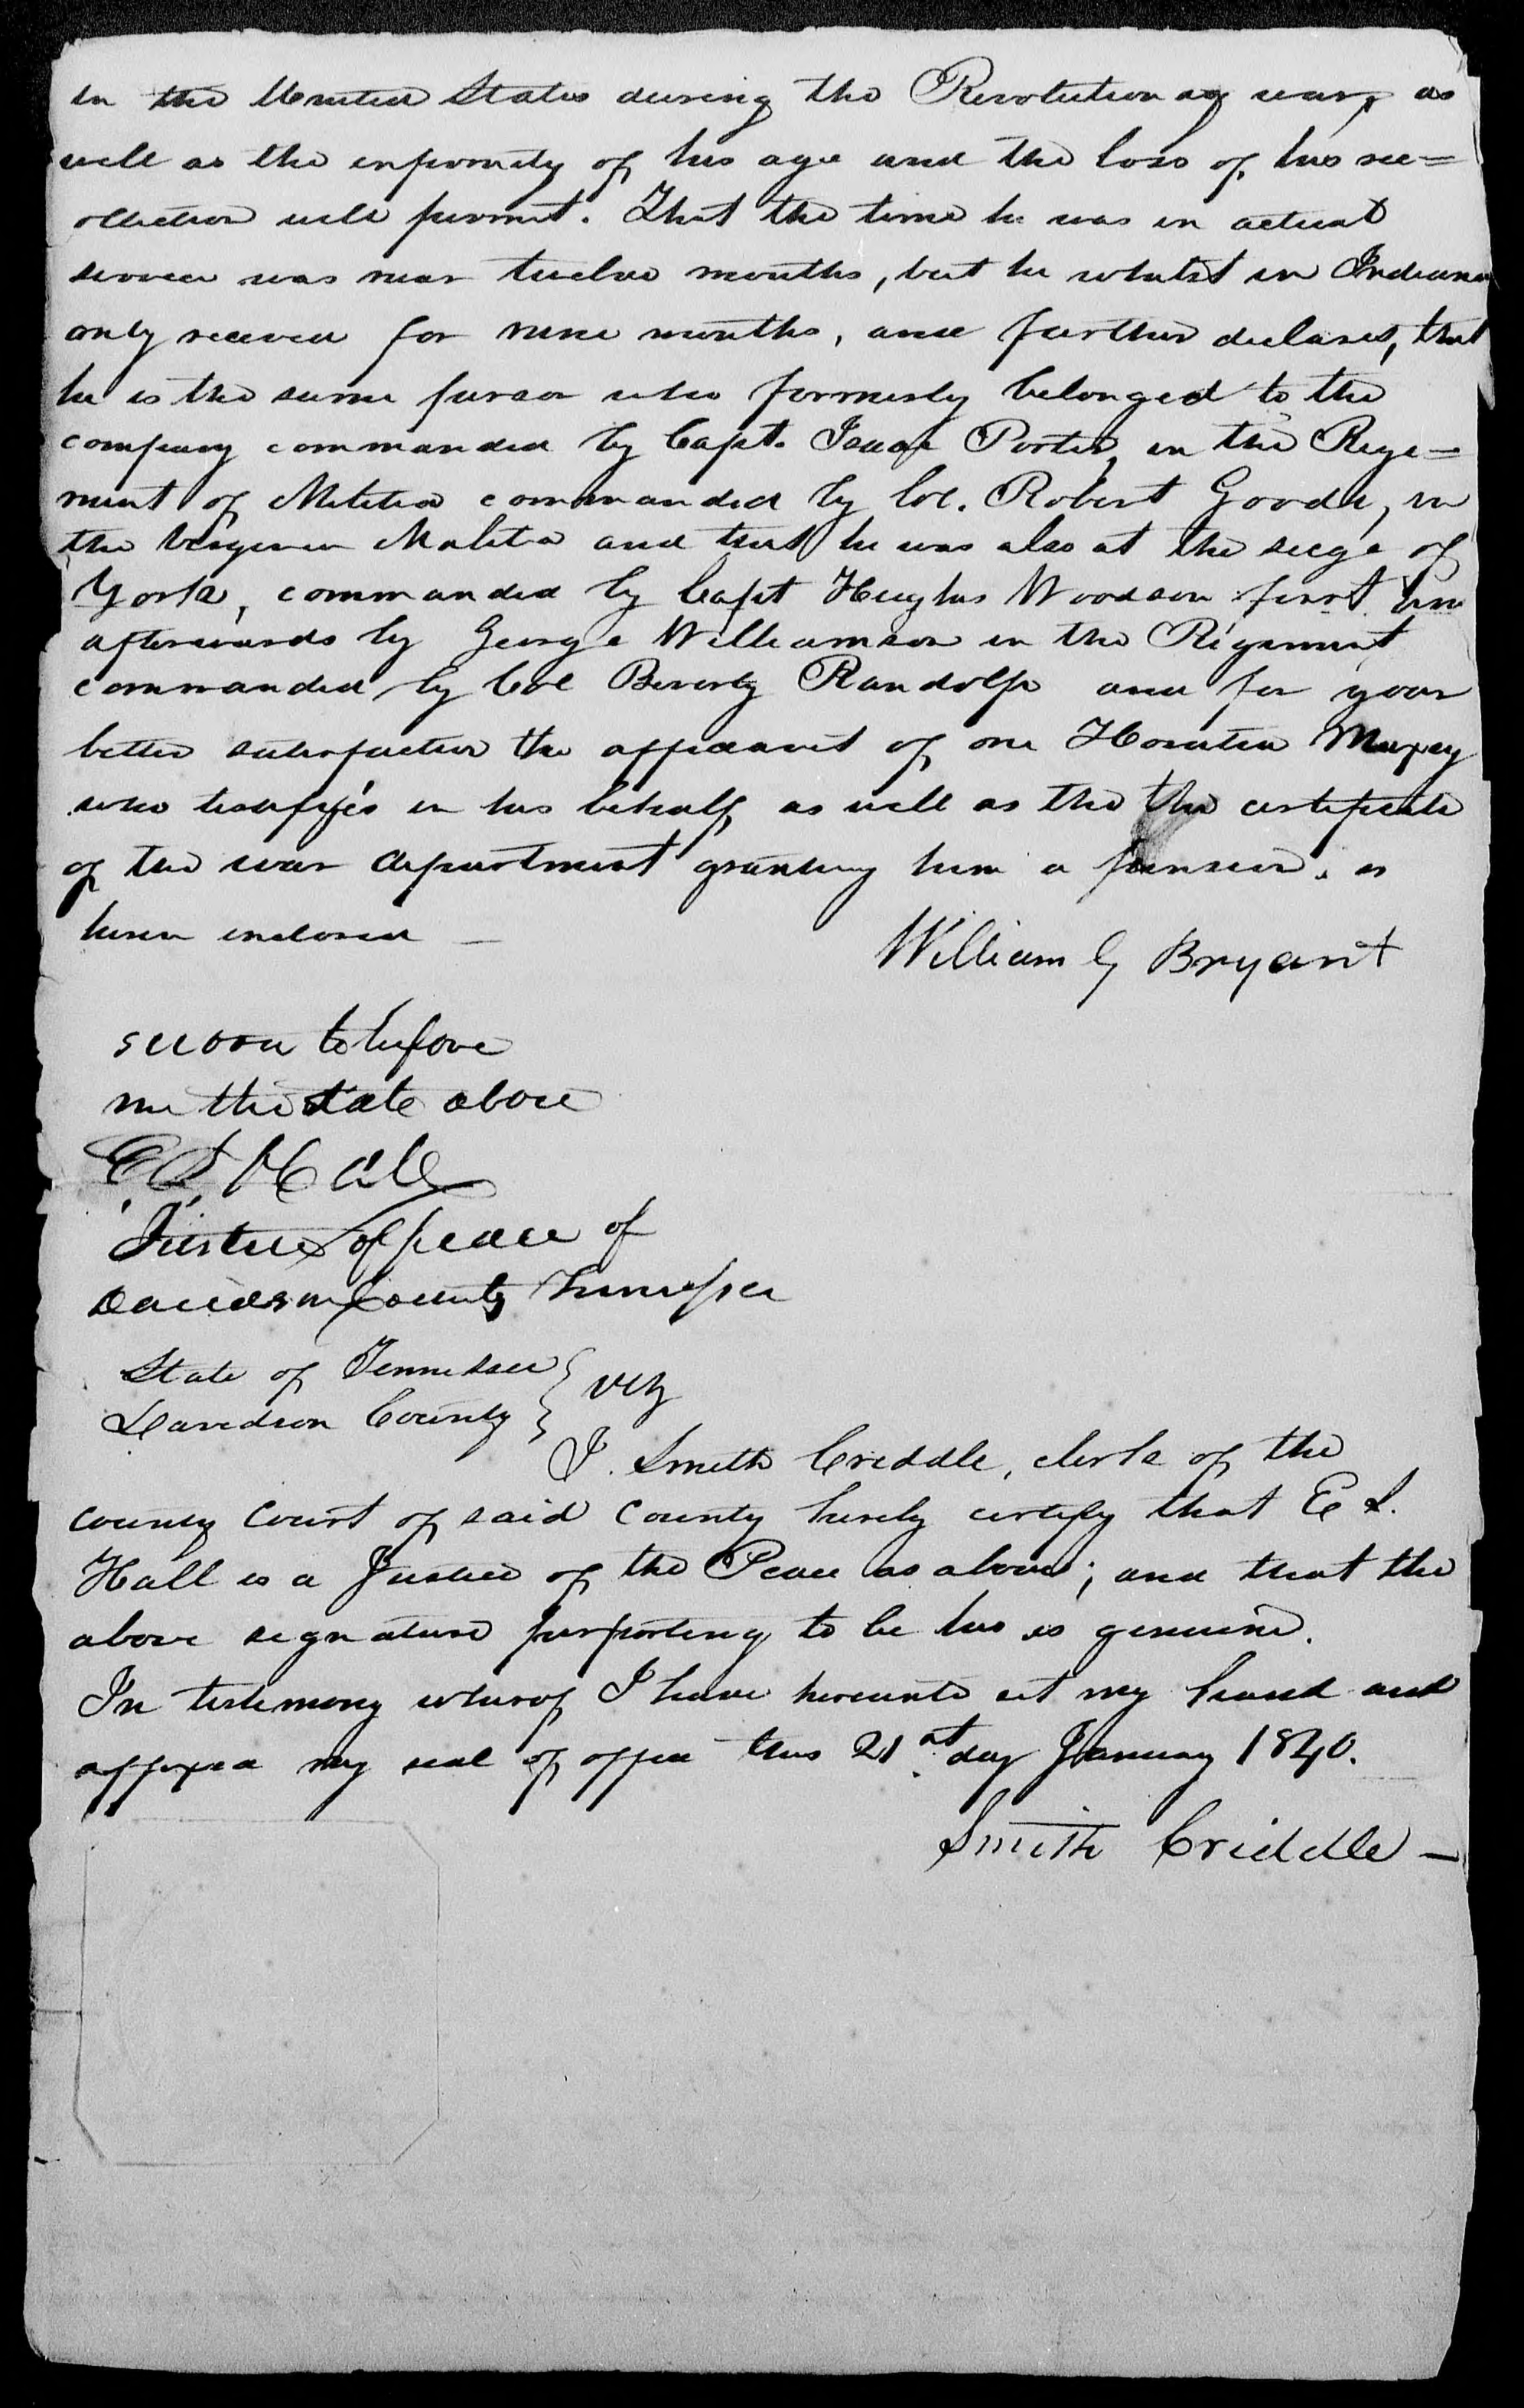in the United States during the Revolutionary war as well as the infirmity of his age and the loss of his [selection]  will permit. That the time he was in actual service was near twelve months, but he whilst in Indiana only received for nine months, and further declares, that
he is the same person who formerly belonged to the company commanded by Capt. [illegible] Porter in the Regiment of Militia commanded by Col. Robert Goode, in
the [Virginia] Militia and thus he was also at the siege of York, commanded by Capt Hughes Woodson first [and] afterwards by George Williamson in the Regiment commanded by Col Beverly Randolph and for your better satisfaction the affidavit of one [Houston Mazey] who testifies in his behalf, as well as the [the smudged] certificate of the war department granting him a pension, [has been] enclosed.
William G Bryant

sworn to before
me the date above
E. S. Hall
Justice of peace of
Davidson County Tennessee
State of Tennessee viz
Davidson County
J. Smith Criddle, Clerk of the County Court of said County hereby certify that E. S. Hall is a Justice of the Peace as above; and that the
above signature purporting to be his is genuine.
In testimony whereof I have hereunto [set] my hand and affixed my seal of office this 21st day 
January 1840.
Smith Criddle -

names: Beverly Randolp, Robert Goode, George Williamson, William G Bryant, Smith Criddle, E S Hall, Smith Criddle, E S Hall, Hughes Woodson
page: 12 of 31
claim: survivor's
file: S. 3049, William G Bryant, Va.